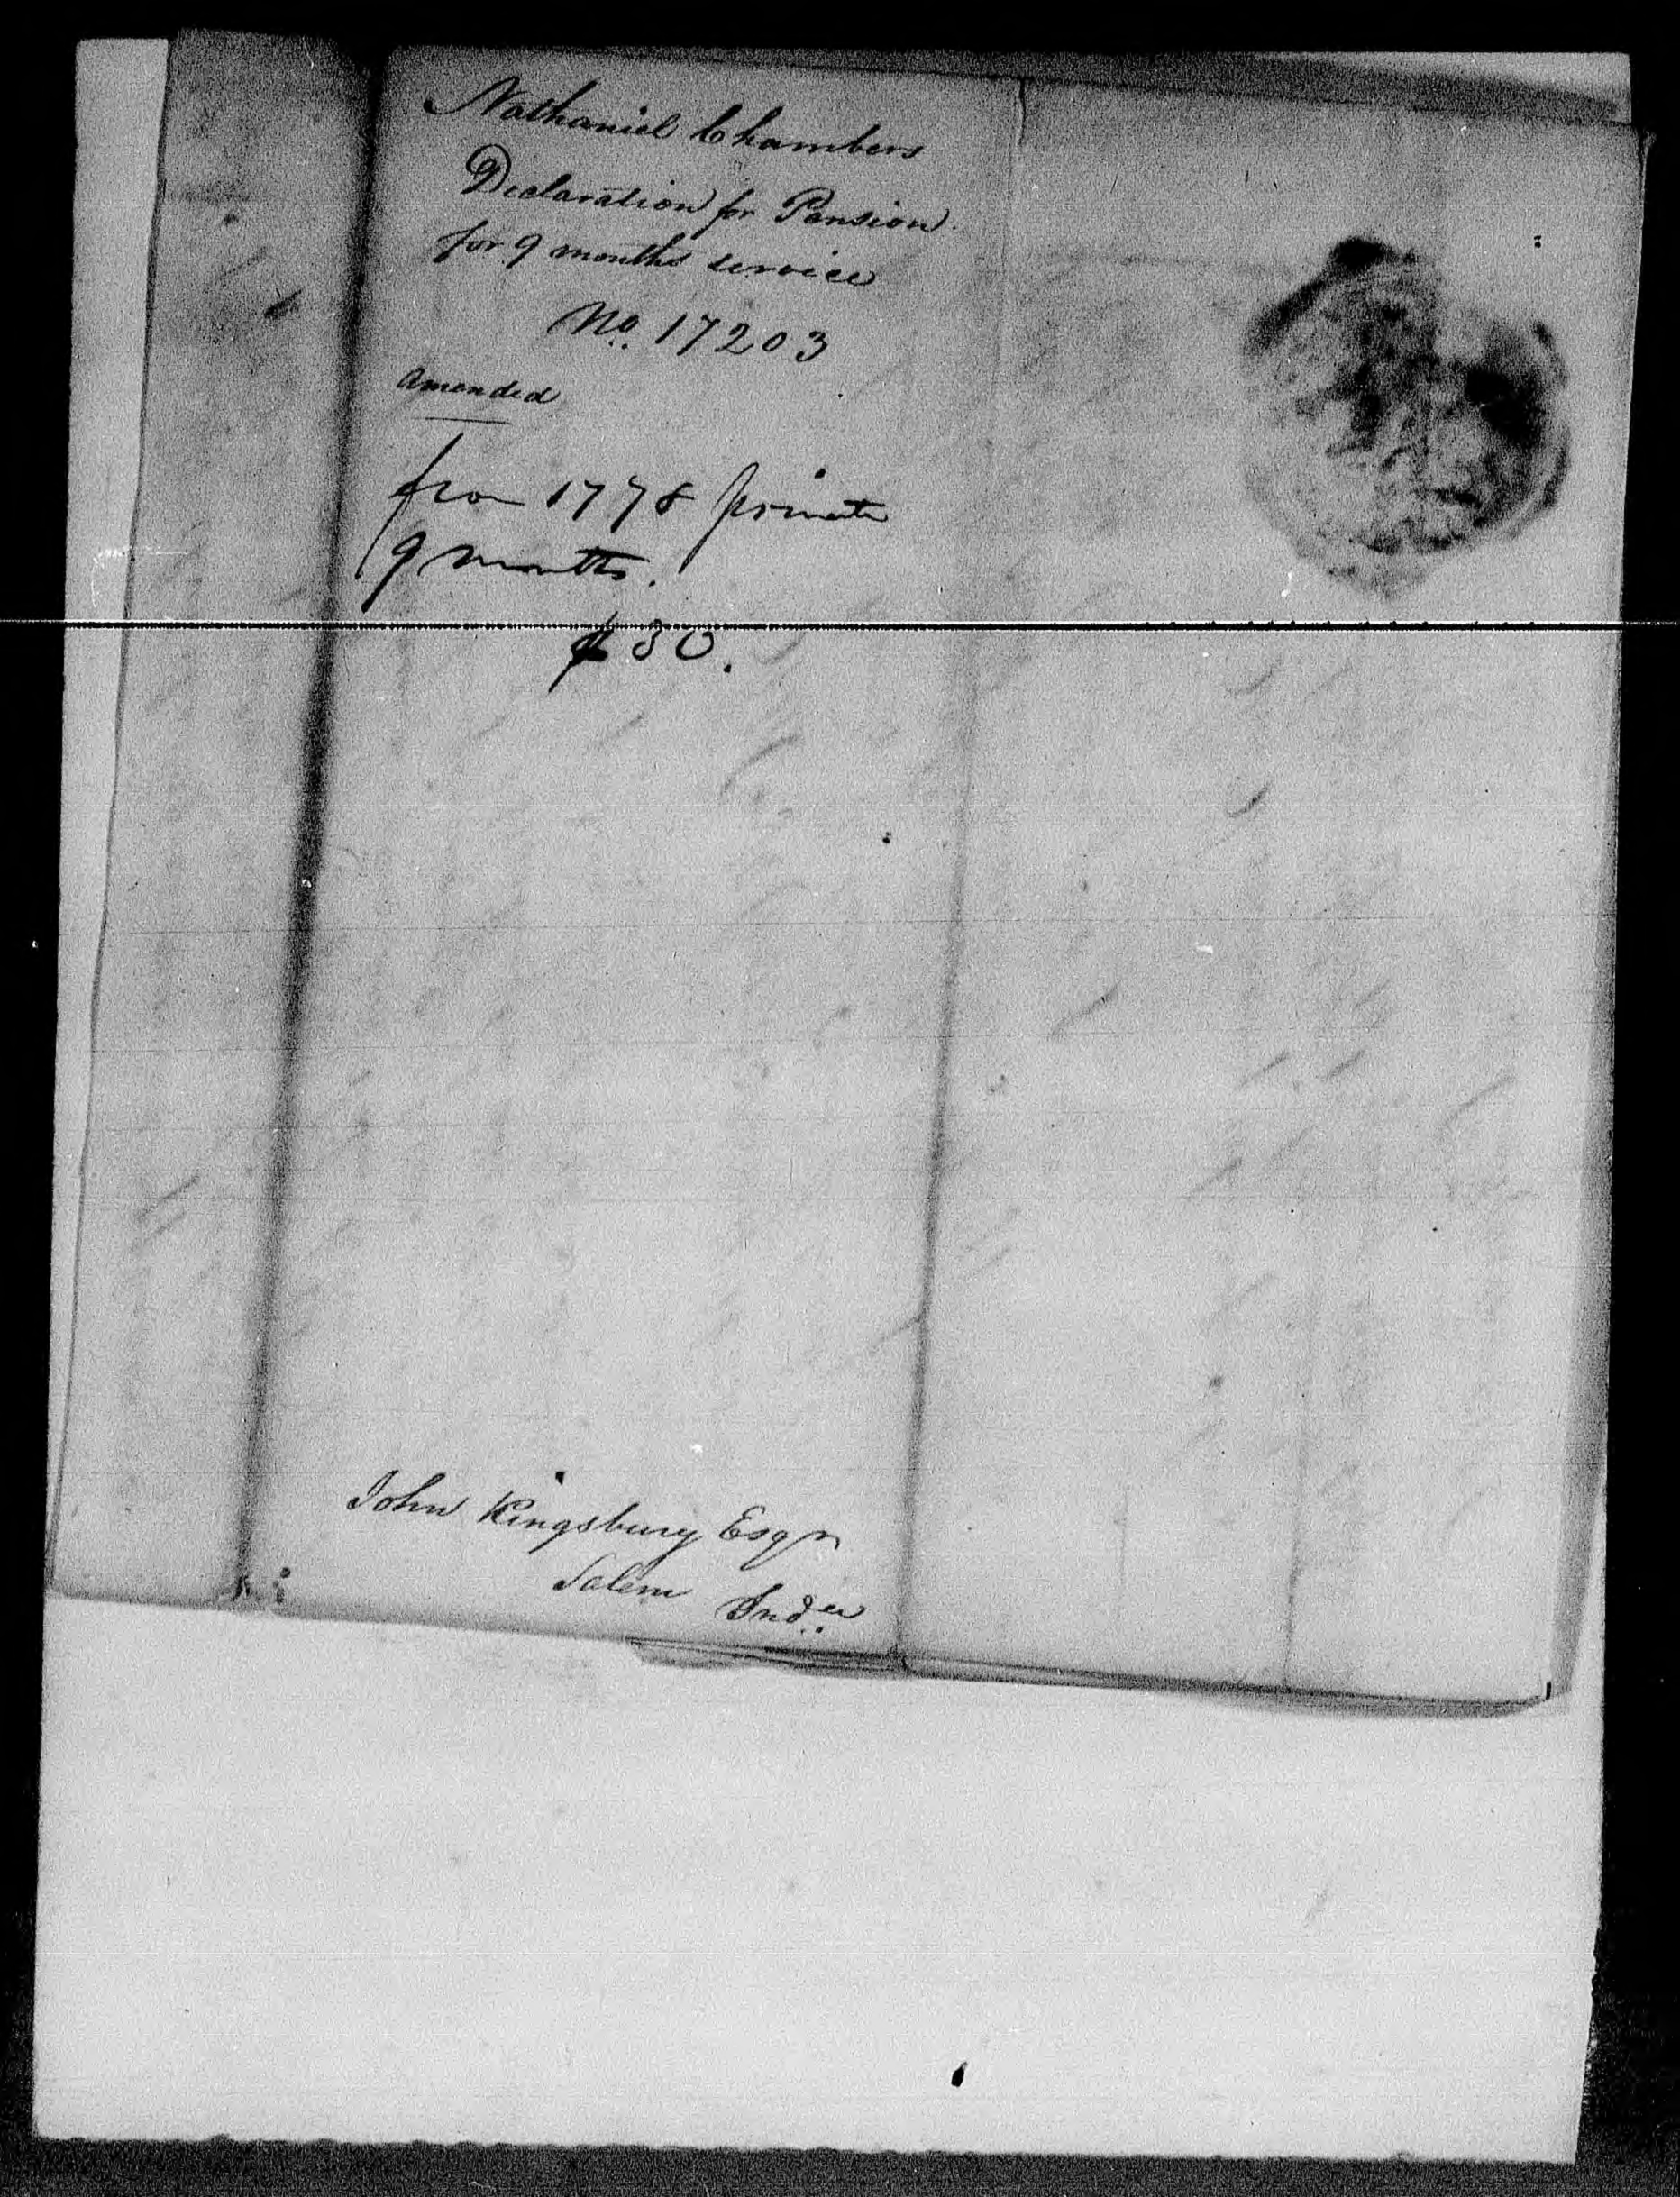Nathaniel Chambers
Declaration for Pension
for 9 months service
No 17203
amended
from 1778 private
9 months
$30
John Kingsbury Esqr
Salem Ander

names: John Kingsbury, Nathaniel Chambers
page: 10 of 13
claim: survivor's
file: S. 32,171, Nathaniel Chambers, N.C.